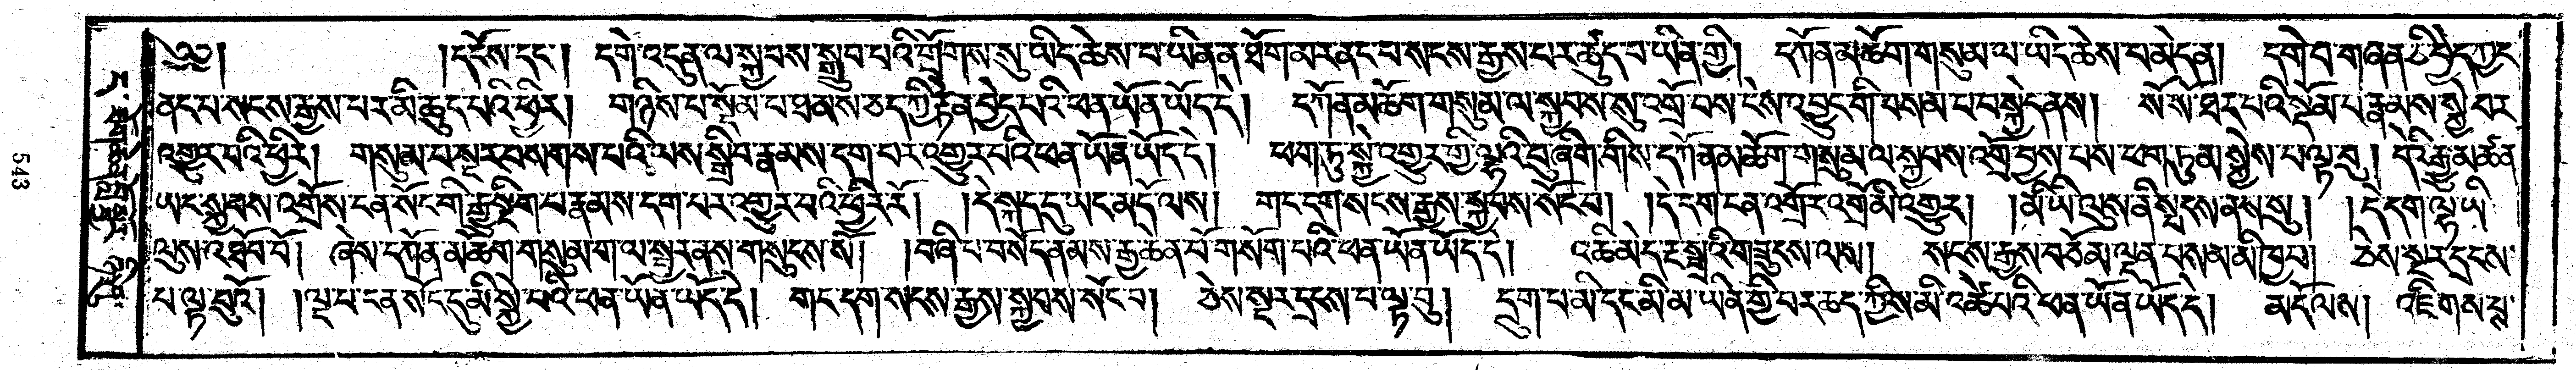༄༅། །དངོས་དང་། དགེ་འདུན་ལ་སྐྱབས་སྒྲུབ་པའི་གྲོགས་སུ་ཡིད་ཆེས་པ་ཡིན་ན་ཐོག་མར་ནང་བ་སངས་རྒྱས་པར་ཚུད་པ་ཡིན་གྱི། དཀོན་མཆོག་གསུམ་ལ་ཡིད་ཆེས་པ་མེད་ན། དགེ་བ་གཞན་ཅི་བྱེད་ཀྱང་
ནང་པ་སངས་རྒྱས་པར་མི་ཆུད་པའི་ཕྱིར། གཉིས་པ་སྡོམ་པ་ཐམས་ཅད་ཀྱི་རྟེན་བྱེད་པའི་ཕན་ཡོན་ཡོད་དེ། དཀོན་མཆོག་གསུམ་ལ་སྐྱབས་སུ་འགྲོ་བས་ངེས་འབྱུང་གི་བསམ་པ་བསྐྱེད་ནས། སོ་སོ་ཐར་པའི་སྡོམ་པ་རྣམས་སྐྱེ་བར་
འགྱུར་པའི་ཕྱིར། གསུམ་བསྔར་བསགས་པའི་ལས་སྒྲིབ་རྣམས་དག་པར་འགྱུར་པའི་ཕན་ཡོན་ཡོད་དེ། ཕག་ཏུ་སྐྱེ་འགྱུར་གྱི་ལྷའི་བུ་ཞིག་གིས་དཀོན་མཆོག་གསུམ་ལ་སྐྱབས་འགྲོ་བྱས་པས་པ་ཕག་ཏུ་མ་སྐྱེས་པ་ལྟ་བུ། དེའི་རྒྱུ་མཚན་
ཡང་སྐྱབས་འགྲོས་ངན་སོང་གི་རྒྱུ་སྡིག་པ་རྣམས་དག་པར་འགྱུར་བའི་ཕྱིར་རོ། །དེ་སྐད་དུ་ཡང་མདོ་ལས། གང་ངག་སངས་རྒྱས་སྐྱབས་སོང་བ། །དེ་དག་ངན་འགྲོ་འགྲོ་མི་འགྱུར། །མི་ཡི་ལུས་ནི་སྤངས་ནས་སུ། །དེ་དག་ལྷ་ཡི་
ལུས་འཐོབ་བོ། ཞེས་དཀོན་མཆོག་གསུམ་ག་ལ་སྦྱར་ནས་གསུངས་སོ། །བཞི་པ་བསོད་ནམས་རྒྱ་ཆེན་པོ་གསོག་པའི་ཕན་ཡོན་ཡོད་དེ། འཆི་མེད་རྔ་སྒྲའི་གཟུངས་ལས། སངས་རྒྱས་བཅོམ་ལྡན་བསམ་མི་ཁྱབ། ཅེས་སྔར་དྲངས་
པ་ལྟ་བུའོ། །ལྔ་པ་ངན་སོང་དུ་མི་སྐྱེ་པའི་ཕན་ཡོན་ཡོད་དེ། གང་དག་སངས་རྒྱས་སྐྱབས་སོང་བ། ཅེས་སྔར་དྲངས་པ་ལྟ་བུ། དྲུག་པ་མི་དང་མི་མ་ཡིན་གྱི་བར་ཆད་ཀྱིས་མི་འཚེ་བའི་ཕན་ཡོན་ཡོད་དེ། མདོ་ལས། འཇིགས་པས་